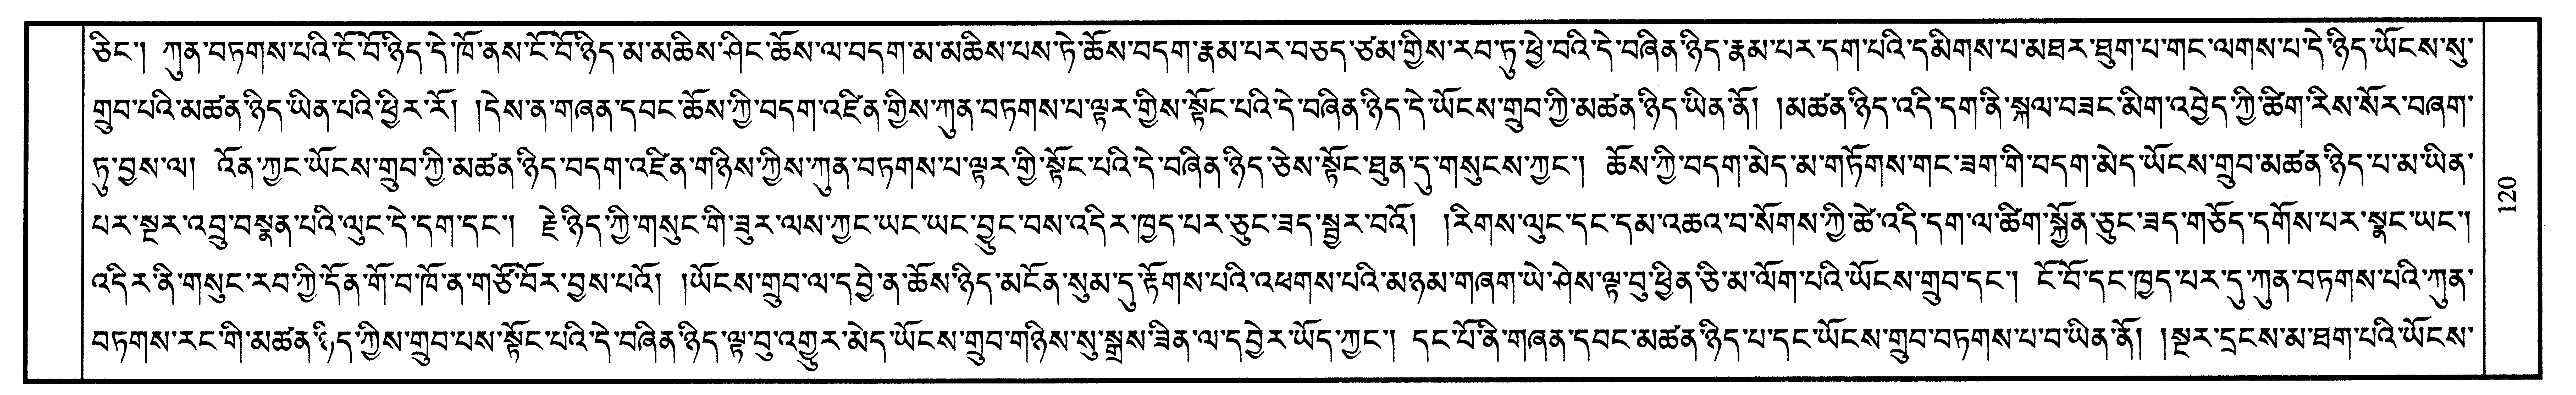ཅིང་། ཀུན་བཏགས་པའི་ངོ་བོ་ཉིད་དེ་ཁོ་ནས་ངོ་བོ་ཉིད་མ་མཆིས་ཤིང་ཆོས་ལ་བདག་མ་མཆིས་པས་ཏེ་ཆོས་བདག་རྣམ་པར་བཅད་ཙམ་གྱིས་རབ་ཏུ་ཕྱེ་བའི་དེ་བཞིན་ཉིད་རྣམ་པར་དག་པའི་དམིགས་པ་མཐར་ཐུག་པ་གང་ལགས་པ་དེ་ཉིད་ཡོངས་སུ་
གྲུབ་པའི་མཚན་ཉིད་ཡིན་པའི་ཕྱིར་རོ། །དེས་ན་གཞན་དབང་ཆོས་ཀྱི་བདག་འཛིན་གྱིས་ཀུན་བཏགས་པ་ལྟར་གྱིས་སྟོང་པའི་དེ་བཞིན་ཉིད་དེ་ཡོངས་གྲུབ་ཀྱི་མཚན་ཉིད་ཡིན་ནོ། །མཚན་ཉིད་འདི་དག་ནི་སྐལ་བཟང་མིག་འབྱེད་ཀྱི་ཚིག་རིས་སོར་བཞག་
ཏུ་བྱས་ལ། འོན་ཀྱང་ཡོངས་གྲུབ་ཀྱི་མཚན་ཉིད་བདག་འཛིན་གཉིས་ཀྱིས་ཀུན་བཏགས་པ་ལྟར་གྱི་སྟོང་པའི་དེ་བཞིན་ཉིད་ཅེས་སྟོང་ཐུན་དུ་གསུངས་ཀྱང་། ཆོས་ཀྱི་བདག་མེད་མ་གཏོགས་གང་ཟག་གི་བདག་མེད་ཡོངས་གྲུབ་མཚན་ཉིད་པ་མ་ཡིན་
པར་སྔར་འབྲུ་བསྣན་པའི་ལུང་དེ་དག་དང་། རྗེ་ཉིད་ཀྱི་གསུང་གི་ཟུར་ལས་ཀྱང་ཡང་ཡང་བྱུང་བས་འདིར་ཁྱད་པར་ཅུང་ཟད་སྦྱར་བའོ། །རིགས་ལུང་དང་དམ་འཆའ་བ་སོགས་ཀྱི་ཚེ་འདི་དག་ལ་ཚིག་སྐྱོན་ཅུང་ཟད་གཅོད་དགོས་པར་སྣང་ཡང་།
འདིར་ནི་གསུང་རབ་ཀྱི་དོན་གོ་བ་ཁོ་ན་གཙོ་བོར་བྱས་པའོ། །ཡོངས་གྲུབ་ལ་དབྱེ་ན་ཆོས་ཉིད་མངོན་སུམ་དུ་རྟོགས་པའི་འཕགས་པའི་མཉམ་གཞག་ཡེ་ཤེས་ལྟ་བུ་ཕྱིན་ཅི་མ་ལོག་པའི་ཡོངས་གྲུབ་དང་། ངོ་བོ་དང་ཁྱད་པར་དུ་ཀུན་བཏགས་པའི་ཀུན་
བཏགས་རང་གི་མཚན་ཉིད་ཀྱིས་གྲུབ་པས་སྟོང་པའི་དེ་བཞིན་ཉིད་ལྟ་བུ་འགྱུར་མེད་ཡོངས་གྲུབ་གཉིས་སུ་སྒྲས་ཟིན་ལ་དབྱེར་ཡོད་ཀྱང་། དང་པོ་ནི་གཞན་དབང་མཚན་ཉིད་པ་དང་ཡོངས་གྲུབ་བཏགས་པ་བ་ཡིན་ནོ། །སྔར་དྲངས་མ་ཐག་པའི་ཡོངས་